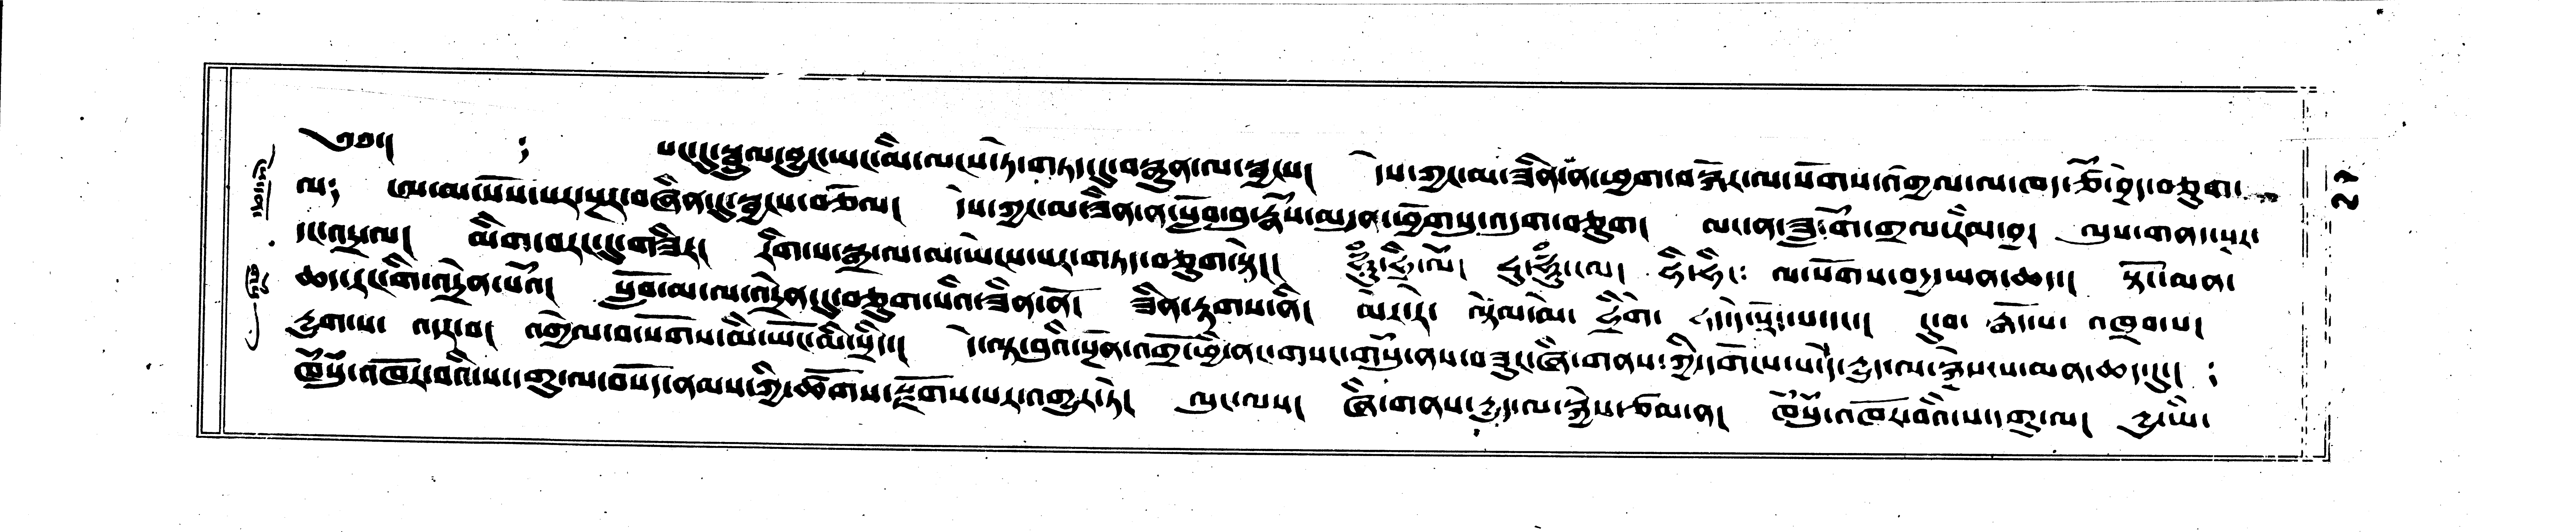པང་དུ་སྦྲུལ་བྱུང་ཡང་མི་ལངས་ཏེ་གནད་དུ་བསྣུན་ལ་སྦྱངས། དེས་ཀྱང་མ་ཟིན་ན་ཕྱག་སྐོར་ལ་སོགས་འགྱེལ་ལ་ཁད་ཙམ་བྱེད་བཅུག་
ལ། ངལ་མ་སོས་པར་སྔར་བཞིན་དུ་སྦྱངས་བཅོལ། དེས་ཀྱང་མ་ཟིན་ན་སློབ་བུ་རྣམས་མདུན་ཕྱོགས་སུ་འདུག་བཅུག མང་ན་ཟླ་གམ་གྲལ་རིམ་བྱ། ལུས་གནད་སྔར་
དང་འདྲ་ལ། མིག་བར་སྣང་དུ་གཟིར། རིག་པ་སྒྲ་ལ་མ་ཡེངས་པར་གཏད་བཅུག་སྟེ། ཧཱུཾ་ཧྲི་ལཾ། ཧུ་ཧཱུཾ་ངམ། ཧི་ཧིང་། ལ་སོགས་བརྒྱ་ཡན་ཆད། སྟོང་མན་
རང་གིས་འདྲེན་པའམ། སློབ་མ་ལ་འདྲེན་དུ་བཅུག་པས་ཟིན་ནོ། །ཟིན་རྟགས་ནི། མེར་རེ། ལྟེམ་མེ། ཧྲིག་གེ ཧད་དེ་སྟོང་པ་དང་། ངུ་བ། རྒོད་པ། འཁྲབ་པ། 
རྒྱུག་པ། འདར་བ། འགྱེལ་བ་སོགས་མི་ཡོང་མི་སྲིད། དེ་ལྟ་བུའི་སྔོན་འགྲོ་ཕྱི་ནང་གསང་གསུམ་ནས་བཟུང་ཞི་གནས་ཀྱི་དགོངས་པ་དེ་རྒྱུད་ལ་སྐྱེས་པ་མན་ཆད་དུ།
 ཁམས་གསུམ་འཁོར་བའི་ས་དགུ་ལ་བསོད་ནམས་ཀྱི་ཚོགས་རྫོགས་པར་འགྱུར་ཏེ། ལུང་ལས། ཞི་གནས་རྒྱུད་ལ་སྐྱེས་ཙམ་ན། ཁམས་གསུམ་འཁོར་བའི་ས་དགུ་ལ། རྒྱུ་ཡི་